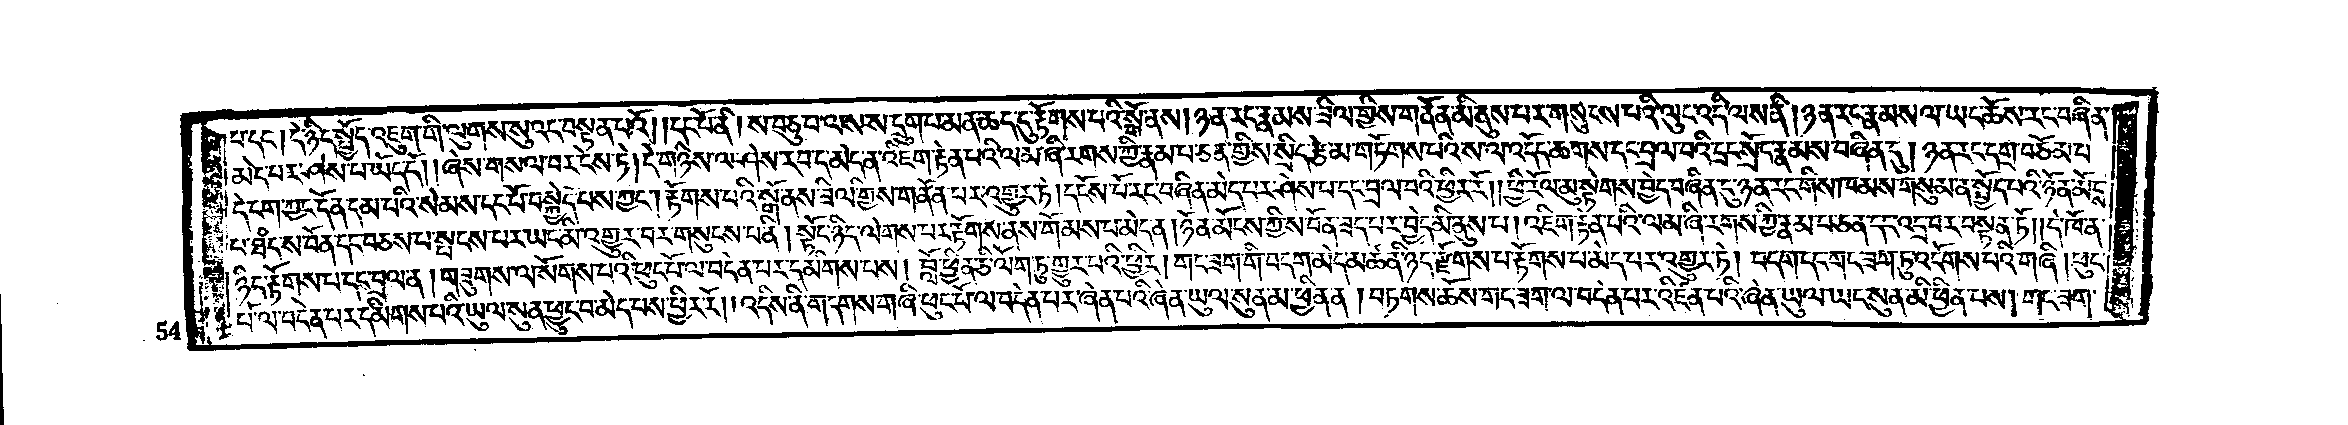པ་དང་། དེ་ཉིད་སྤྱོད་འཇུག་གི་ལུགས་སུའང་བསྟན་པའོ། །དང་པོ་ནི། ས་བཅུ་པ་ལས་ས་དྲུག་པ་མན་ཆད་དུ་རྟོགས་པའི་སྒོ་ནས། ཉན་རང་རྣམས་ཟིལ་གྱིས་གནོན་མི་ནུས་པར་གསུངས་པའི་ལུང་འདི་ལས་ནི། ཉན་རང་རྣམས་ལ་ཡང་ཆོས་རང་བཞིན་
མེད་པར་ཤེས་པ་ཡོད་དོ། །ཞེས་གསལ་བར་ངེས་ཏེ། དེ་གཉིས་ལ་ཤེས་རབ་དེ་མེད་ན་འཇིག་རྟེན་པའི་ལམ་ཞི་རགས་ཀྱི་རྣམ་པ་ཅན་གྱིས་སྲིད་རྩེ་མ་གཏོགས་པའི་ས་ལ་འདོད་ཆགས་དང་བྲལ་བའི་དྲང་སྲོང་རྣམས་བཞིན་དུ། ཉན་རང་དགྲ་བཅོམ་པ་
དེ་དག་ཀྱང་དོན་དམ་པའི་སེམས་དང་པོ་བསྐྱེད་པས་ཀྱང་། རྟོགས་པའི་སྒོ་ནས་ཟིལ་གྱིས་གནོན་པར་འགྱུར་ཏེ། དངོས་པོ་རང་བཞིན་མེད་པར་ཤེས་པ་དང་བྲལ་བའི་ཕྱིར་རོ། །ཕྱི་རོལ་མུ་སྟེགས་བྱེད་བཞིན་དུ་ཉན་རང་གིས་ཁམས་གསུམ་ན་སྤྱོད་པའི་ཉོན་མོངས་
པ་ཐམས་ཅད་ས་བོན་དང་བཅས་པ་སྤངས་པར་ཡང་མི་འགྱུར་བར་གསུངས་པ་ནི། སྟོང་ཉིད་ལེགས་པར་རྟོགས་ནས་གོམས་པ་མེད་ན། ཉོན་མོངས་ཀྱི་ས་བོན་ཟད་པར་བྱེད་མི་ནུས་པ། འཇིག་རྟེན་པའི་ལམ་ཞི་རགས་ཀྱི་རྣམ་པ་ཅན་དང་འདྲ་བར་བསྟན་ཏོ། །དེ་ཁོ་ན་
ཉིད་རྟོགས་པ་དང་བྲལ་ན། གཟུགས་ལ་སོགས་པའི་ཕུང་པོ་ལ་བདེན་པར་དམིགས་པས། བློ་ཕྱིན་ཅི་ལོག་ཏུ་གྱུར་པའི་ཕྱིར། གང་ཟག་གི་བདག་མེད་མཚན་ཉིད་རྫོགས་པ་རྟོགས་པ་མེད་པར་འགྱུར་ཏེ། བདག་དང་གང་ཟག་ཏུ་འདོགས་པའི་གཞི། ཕུང་
པོ་ལ་བདེན་པར་དམིགས་པའི་ཡུལ་སུན་ཕྱུང་བ་མེད་པས་ཕྱིར་རོ། །འདིས་ནི་གདགས་གཞི་ཕུང་པོ་ལ་བདེན་པར་ཞེན་པའི་ཞེན་ཡུལ་སུན་མ་ཕྱིན་ན། བཏགས་ཆོས་གང་ཟག་ལ་བདེན་པར་འཛིན་པའི་ཞེན་ཡུལ་ཡང་སུན་མི་ཕྱིན་པས། གང་ཟག་